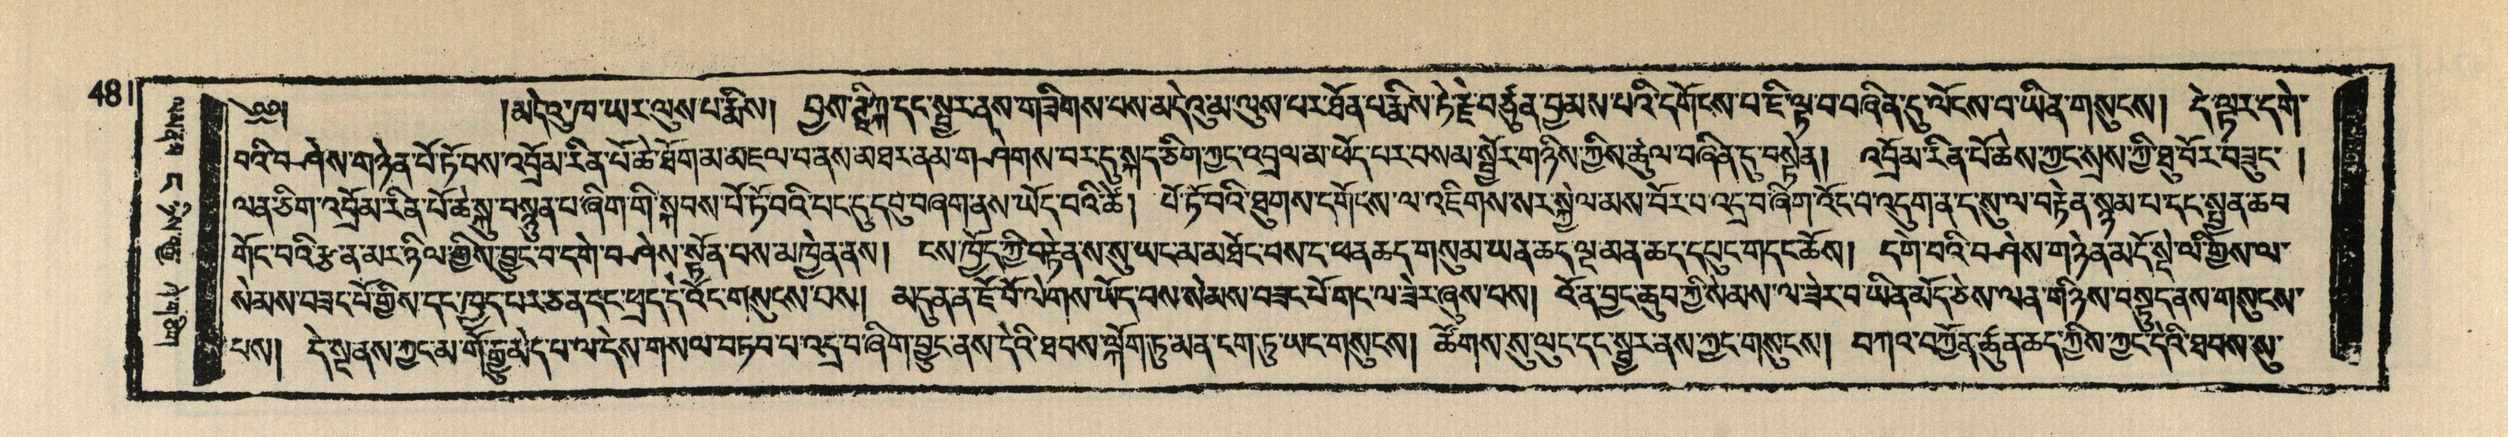༄༅། །མདེའུ་ཁ་ཡར་ལུས་པ་རྨིས། བྱས་ཊཱིཀྐ་དང་སྦྱར་ནས་གཟིགས་པས་མདེའུ་མ་ལུས་པར་ཐོན་པ་རྨིས་ཏེ་རྗེ་བཙུན་བྱམས་པའི་དགོངས་པ་ཇི་ལྟ་བ་བཞིན་དུ་ལོངས་བ་ཡིན་གསུངས། དེ་ལྟར་དགེ་
བའི་བཤེས་གཉེན་པོ་ཏོ་བས་འབྲོམ་རིན་པོ་ཆེ་ཐོག་མ་མཇལ་བ་ནས་མཐར་ནམ་གཤེགས་བར་དུ་སྐད་ཅིག་ཀྱང་འབྲལ་མ་ཕོད་པར་བསམ་སྦྱོར་གཉིས་ཀྱིས་ཚུལ་བཞིན་དུ་བསྟེན། འབྲོམ་རིན་པོ་ཆེས་ཀྱང་སྲས་ཀྱི་ཐུ་བོར་བཟུང་།
ལན་ཅིག་འབྲོམ་རིན་པོ་ཆེ་སྐུ་བསྙུན་པ་ཞིག་གི་སྐབས་པོ་ཏོ་བའི་བང་དུ་དབུ་བཞག་ནས་ཡོད་བའི་ཚེ། པོ་ཏོ་བའི་ཐུགས་དགོངས་ལ་འཇིགས་སར་སྐྱེལ་མས་བོར་བ་འདྲ་བ་ཞིག་འོང་བ་འདུག་ན་ད་སུ་ལ་བརྟེན་སྙམ་པ་དང་སྤྱན་ཆབ་
གོང་བའི་རྩ་ན་མར་ཉིལ་གྱིས་བྱུང་བ་དགེ་བཤེས་སྟོན་པས་མཁྱེན་ནས། ངས་ཁྱོད་ཀྱི་བརྟེན་ས་སུ་ཡང་མ་མཐོང་བས་ང་ཕན་ཆད་གསུམ་ཡན་ཆད་ལྔ་མན་ཆད་དཔུང་གདང་ཆོས། དགེ་བའི་བཤེས་གཉེན་མདོ་སྡེ་ལ་གྱིས་ལ་
སེམས་བཟང་པོ་གྱིས་དང་ཁྱད་པར་ཅན་དང་ཕྲད་དེ་འོང་གསུངས་བས། མདུན་ན་ཇོ་བོ་ལེགས་ཡོད་པས་སེམས་བཟང་པོ་གང་ལ་ཟེར་ཞུས་པས། འོ་ན་བྱང་ཆུབ་ཀྱི་སེམས་ལ་ཟེར་བ་ཡིན་མོད་ཅེས་ལན་གཉིས་བསྟུད་ནས་གསུངས་
པས། དེ་སྔ་ནས་ཀྱང་མ་གོ་རྒྱུ་མེད་པ་ལ་དེས་གསལ་བཏབ་པ་འདྲ་བ་ཞིག་བྱུང་ནས་དེའི་ཐབས་ལྐོག་ཏུ་མན་ངག་ཏུ་ཡང་གསུངས། ཚོགས་སུ་ལུང་དང་སྦྱར་ནས་ཀྱང་གསུངས། བཀའ་བཀྱོན་ཚུན་ཆད་ཀྱིས་ཀྱང་དེའི་ཐབས་སུ་